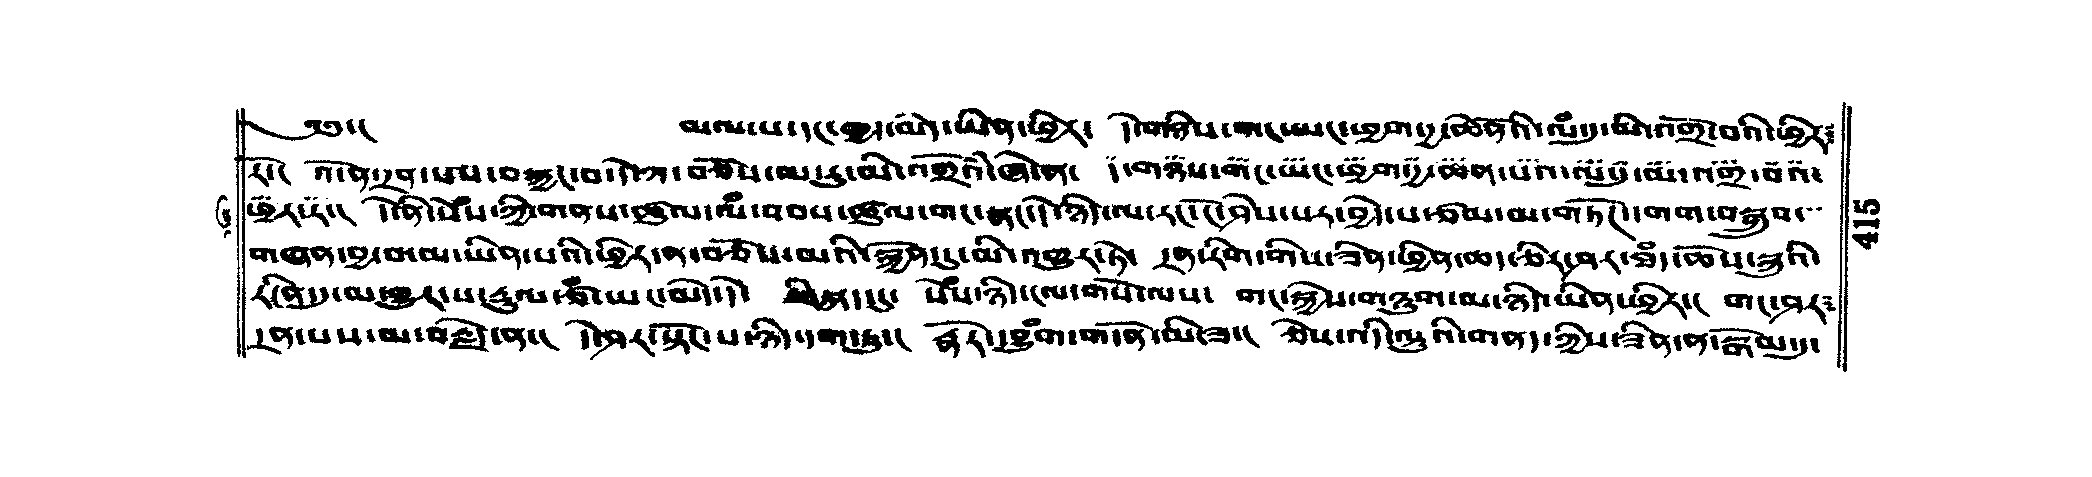མལ་པ་དང་ཁྱད་མེད་ཡིན་ཕྱིར། དེ་གཉིས་གང་ཡང་ཕྱག་རྒྱ་ཆེན་པོའི་ལམ་དུ་མི་འགྲོ་བའི་ཕྱིར་
རོ། འོ་ན་དྲན་པས་བརྐྱང་བ་དེ་ཀ་བཅོས་མ་རུ་མི་འགྲོའམ་ཞེ་ན། དེ་གཉིས་གང་ཡང་ཕྱག་རྒྱ་ཆེན་པོའི་ལམ་དུ་མ་འགྲོ་བའི་
ཕྱིར་རོ། དེ་ནི་སེམས་ཀྱི་གནས་ཚུལ་ལམ་བབས་ཚུལ་གང་སྣང་དེ་ཉིད་ལ་རང་ངོ་ཤེས་པར་བྱེད་པ་ཙམ་མ་གཏོགས་དགག་བསྒྲུབ་
གཞན་བྱ་བ་མ་ཡིན་པའི་ཕྱིར་ན་བཅོས་མའི་སྐྱོན་དུ་མི་འགྱུར་ཏེ།དྲན་རིག་གི་ཟིན་ཕྱིན་ཆད་ཅིར་ཤར་ཐམས་ཅད་ཆོས་སྐུའི་
རང་བཞིན་དུ་མ་གྱུར་བ་རྡུལ་ཙམ་ཡང་མེད་དེ། ཇི་སྐད་དུ་སེམས་ཉིད་ངལ་གསོ་ལས། གང་སྐྱེས་གཉུག་མ་ཉིད་ཡིན་ཕྱིར། །གང་ཤར་
དྲན་པས་མ་བརྗོད་ན། །དེ་ཤར་སྟོང་པ་ཉིད་དག་ཏུ། །རྣལ་འབྱོར་དབང་ཕྱུག་གདོན་མི་ཟ། །ཅེས་འདི་ལྟ་བུའི་གནད་ཀྱིས་ཟིན་ན་སྒོམ་དུ་